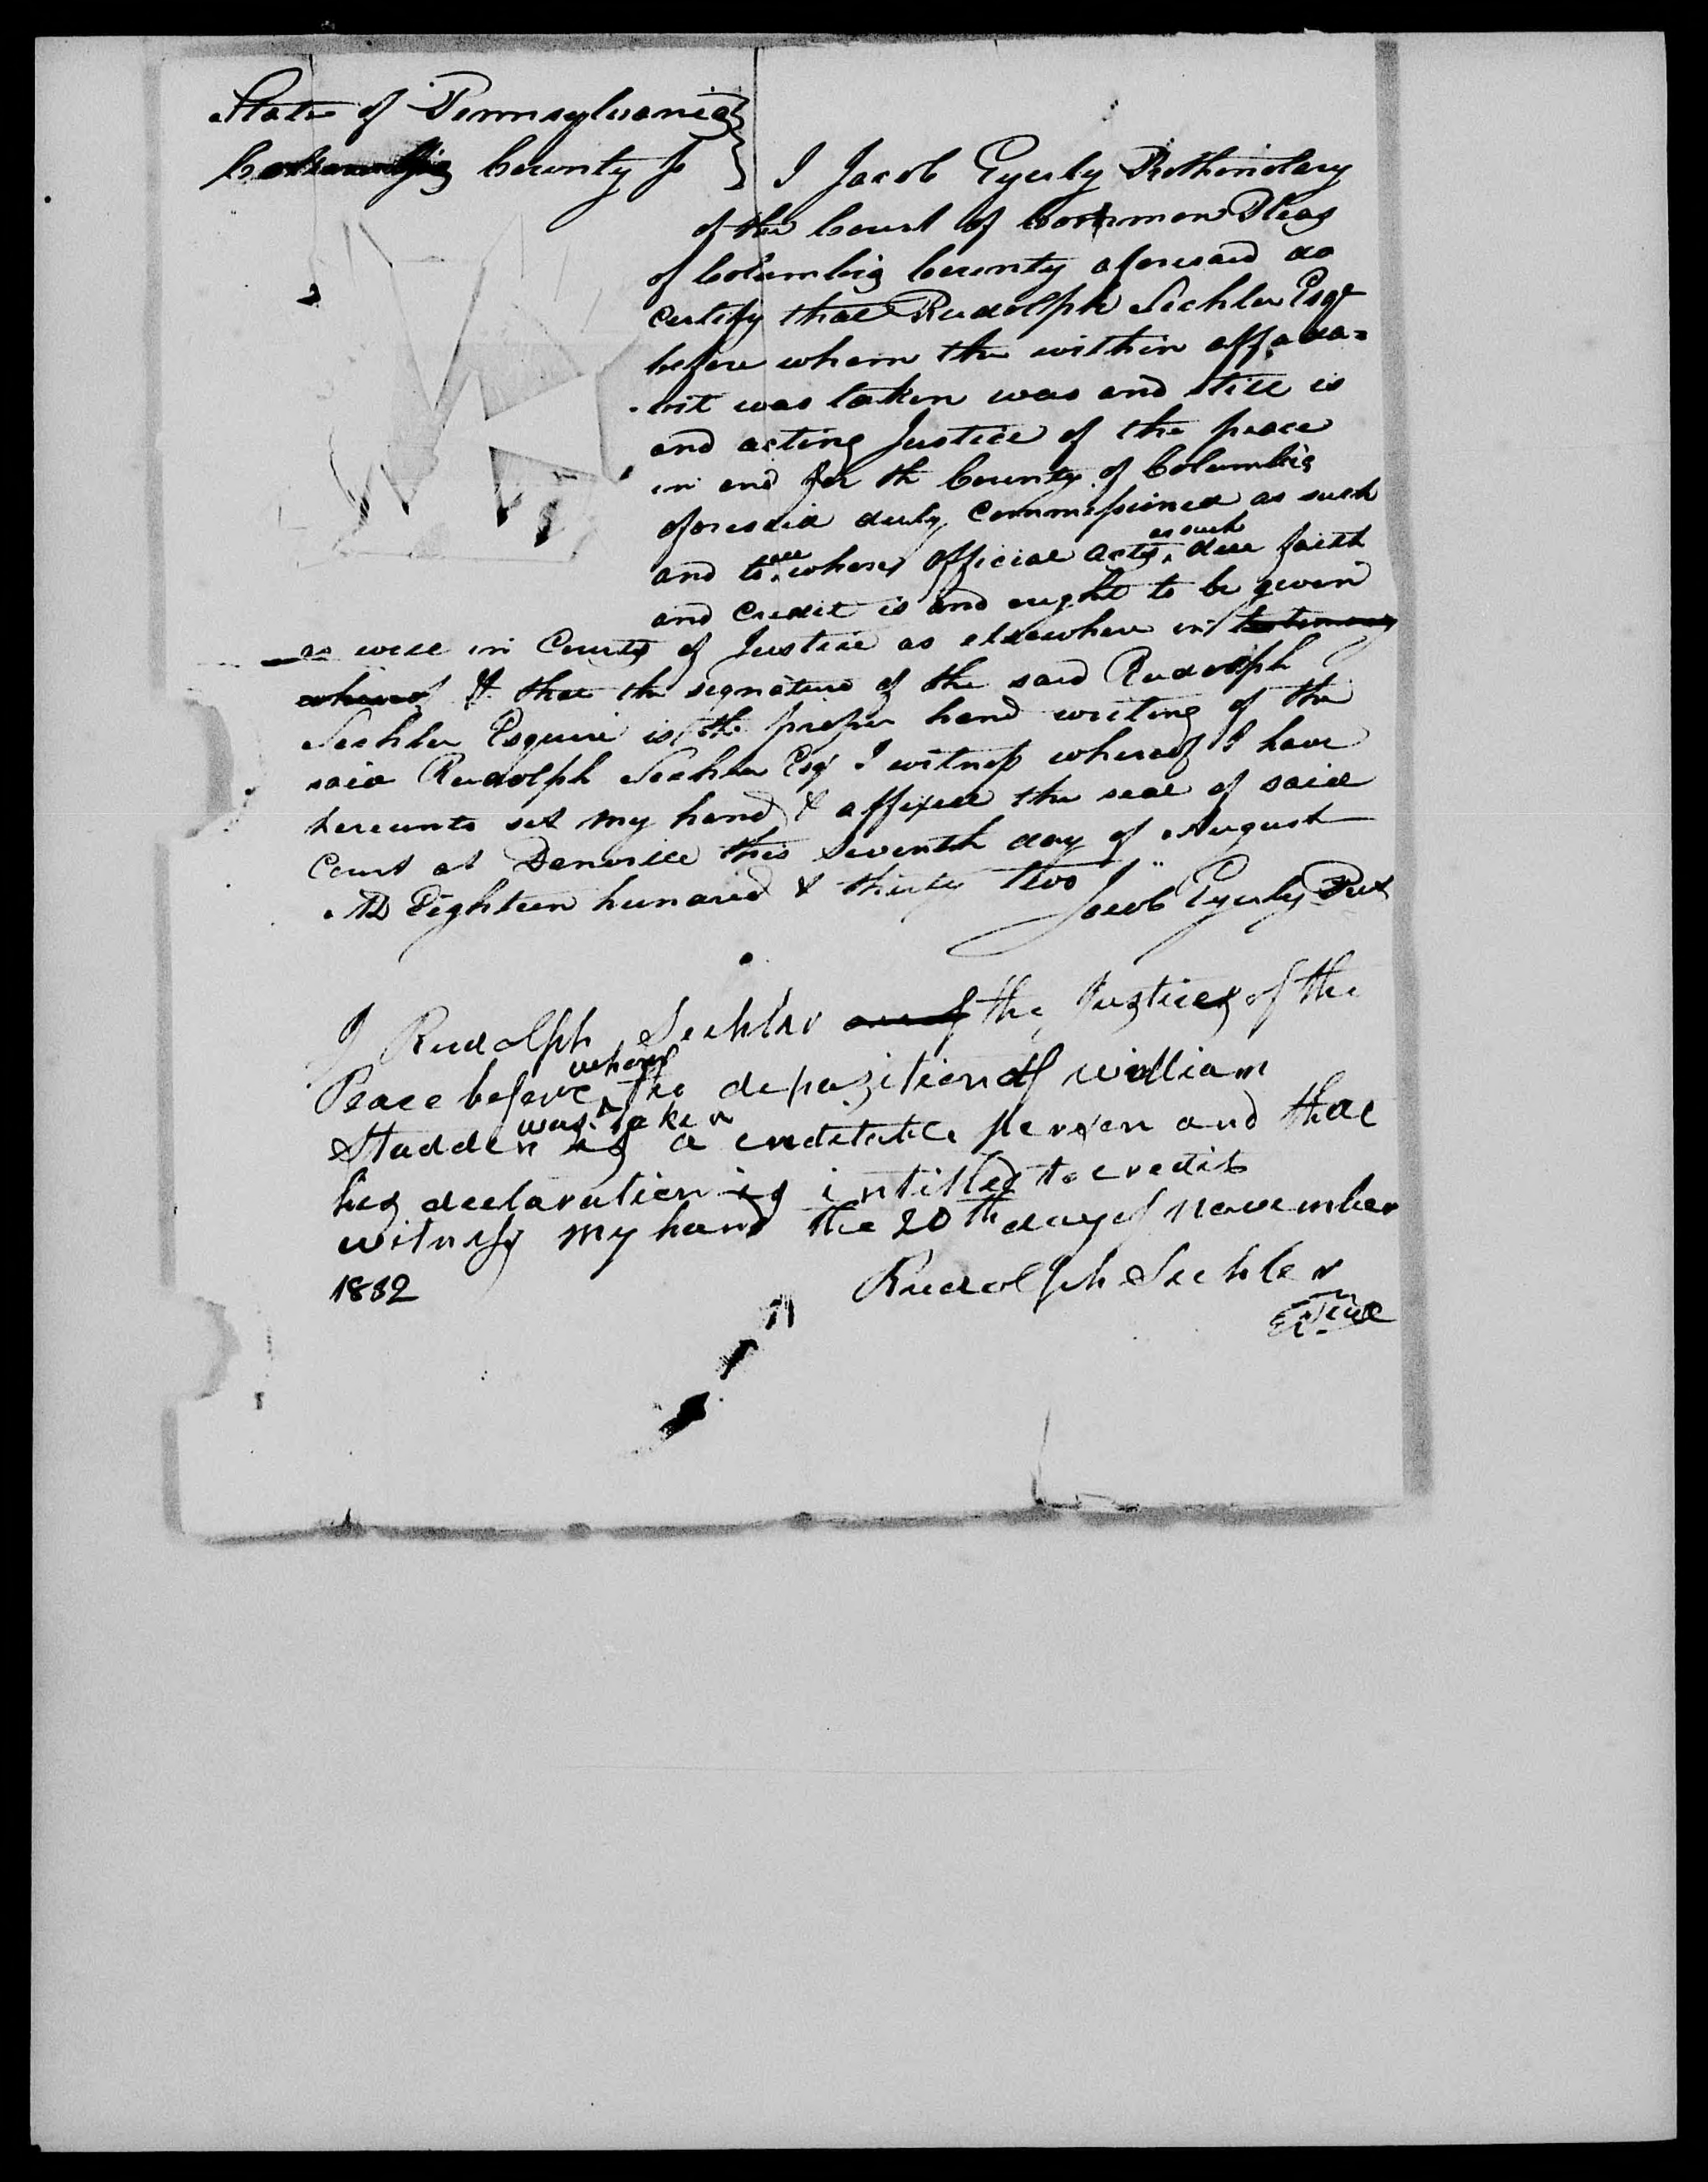State of Pennsylvania
Columbia County ss

    I Jacob Everly Prothonotary of the County of Common Pleas of Columbia County aforesaid do certify that Rudolph Sechler Esq. before whom the within affidavit was taken was and still is and acting Justice of the Peace in and for the County of Columbia aforesaid duly commissioned as such and to all whose official acts as such due faith and credit is and ought to be given as well in Courts f Justice as elsewhere in testimony whereof & that the signature of the said Rudolph Sechler Esquire is the proper hand wiring of the said Rudolph Sechler Esq. & witness whereof I have hereunto set my hand & affixed the seal of said court at Danville this seventh day of August AD eighteen hundred & thirty two.

                                           //s//
                                 Jacob Everly Proth. 

    I Rudolph Sechler one of the Justices of the Peace before whereof the declaration of William Stadden was taken as a certificate of pension and that his declaration is entitled to credit.
    Witness my hand the 20th day of November 1832.
                                          //s//
                               Rudolph Sechler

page: 7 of 12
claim: survivor's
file: S. 2733, for Roger Martin, Pennsylvania